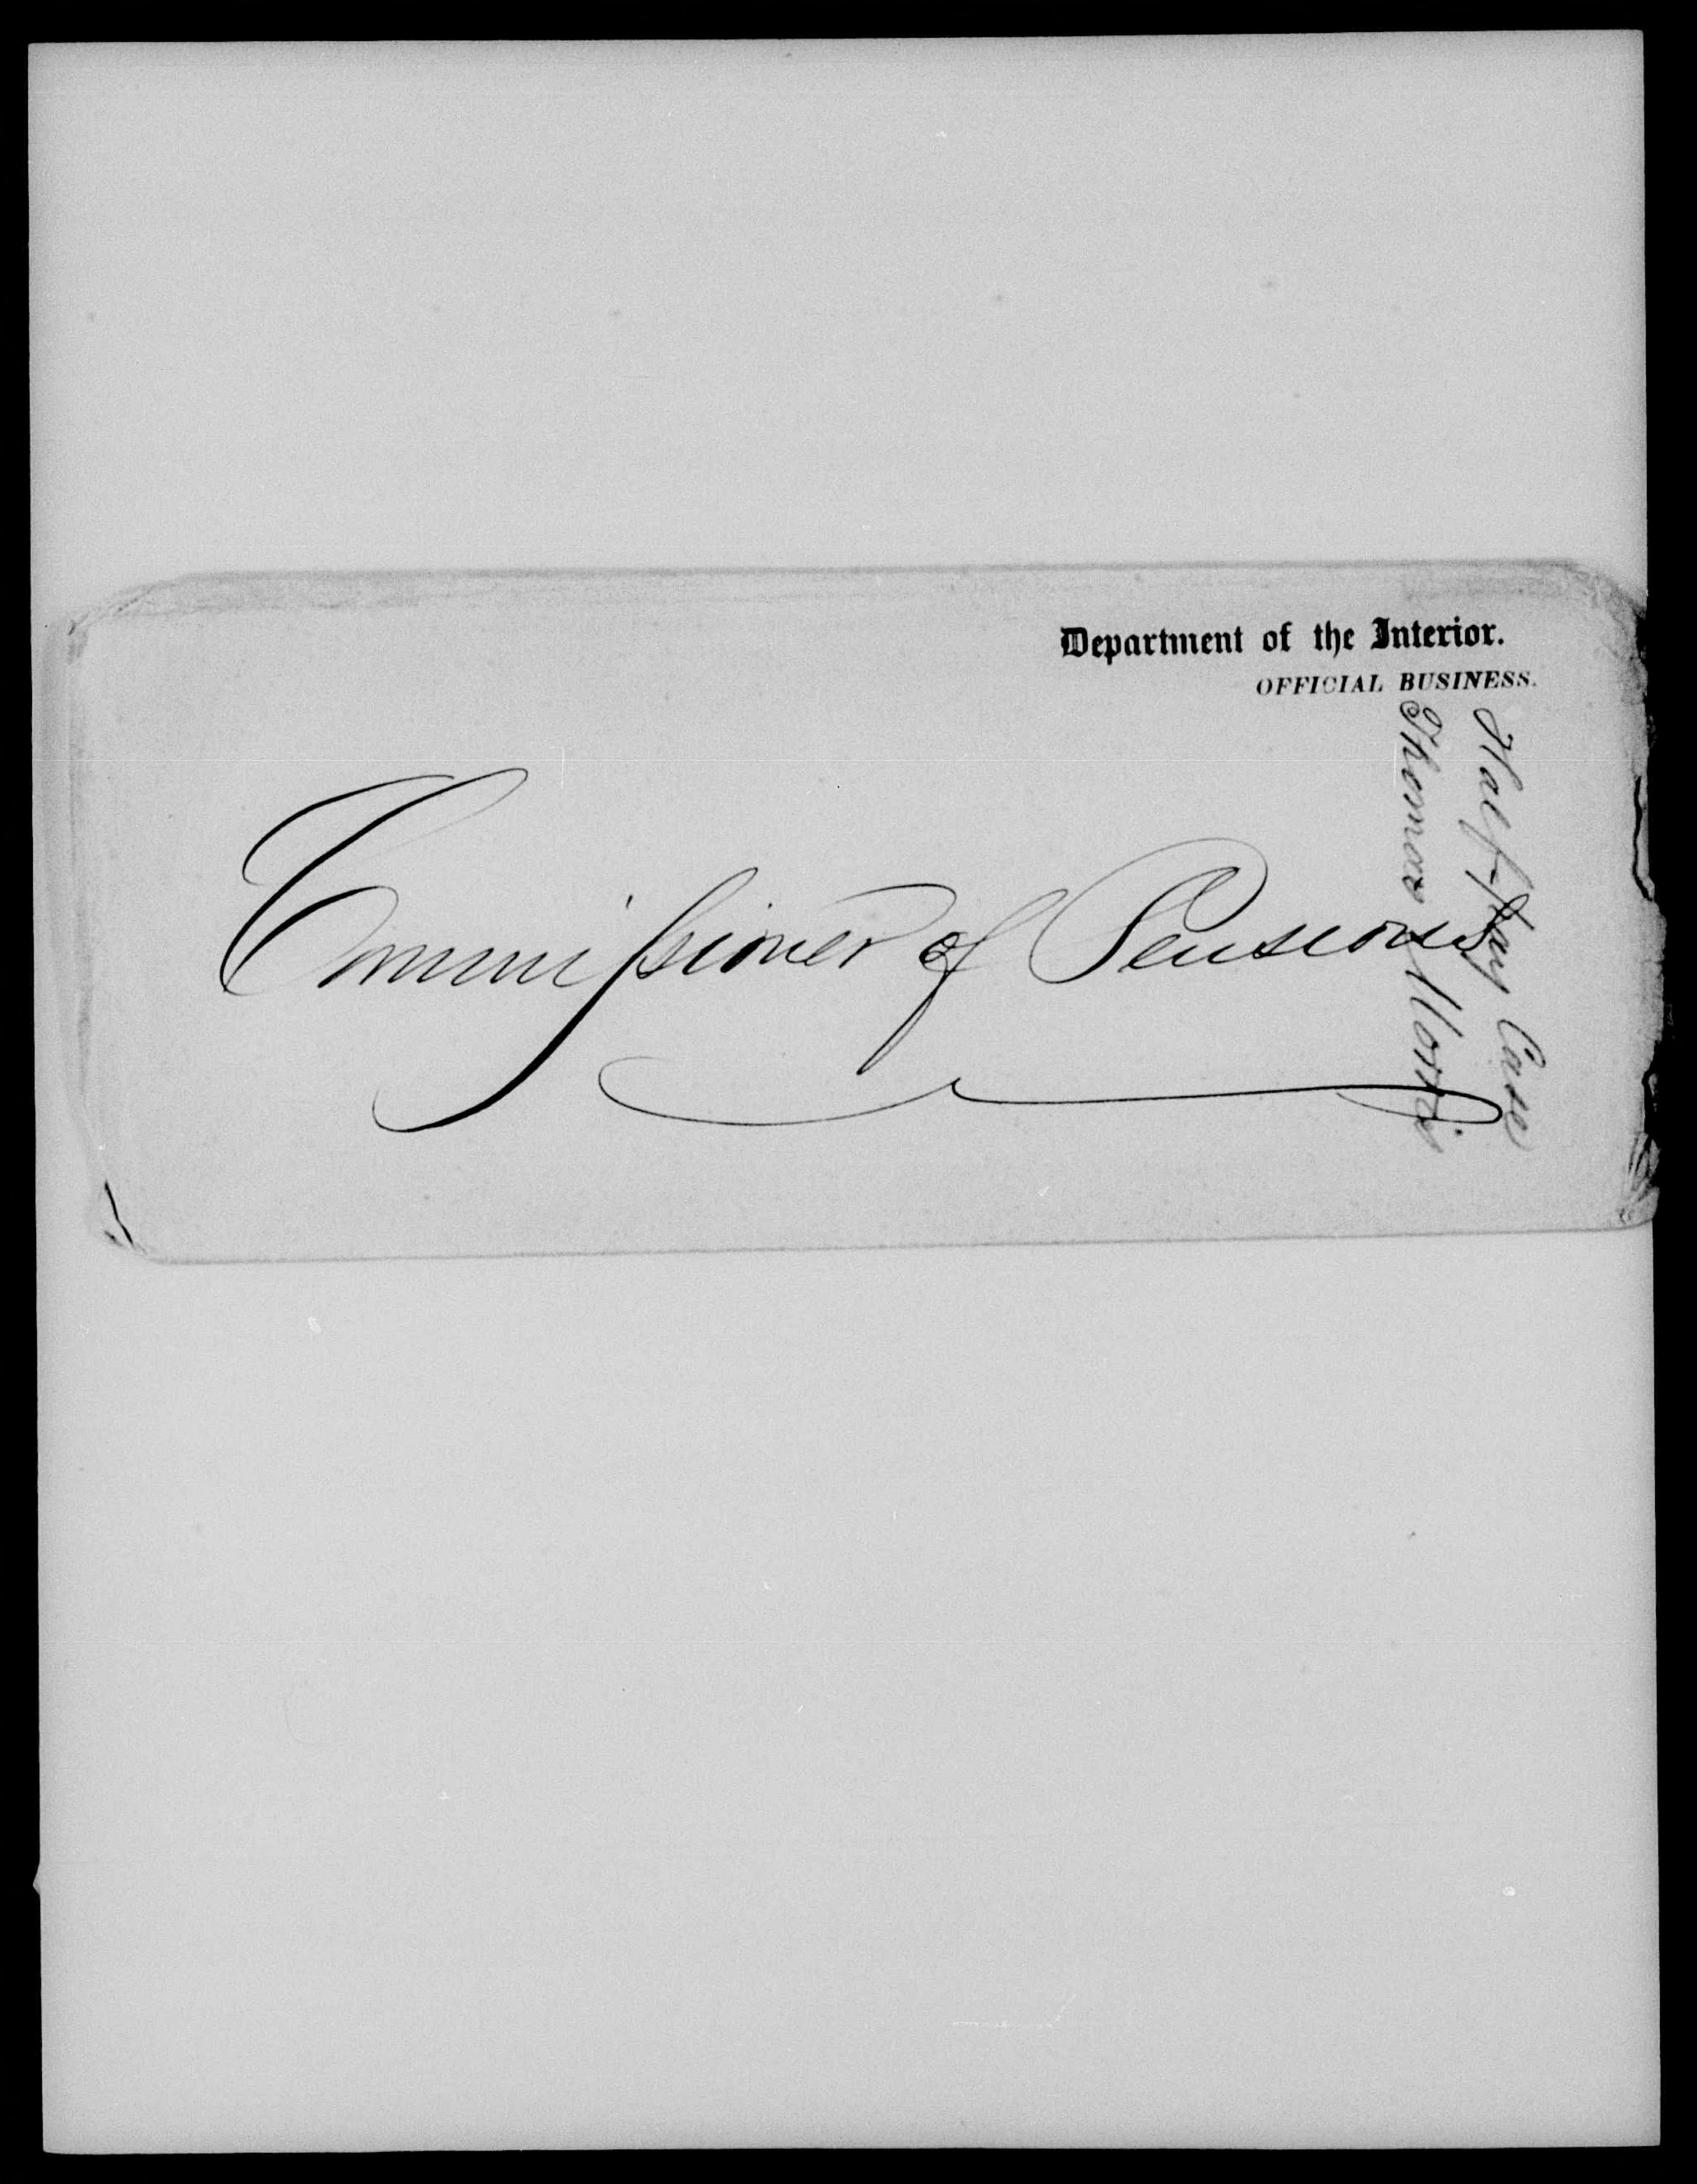Department of the Interior.
OFFICIAL BUSINESS
[*Half Pay Case 
Thomas Morris*]
Commissioner of Pensions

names: Thoams Morris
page: 26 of 30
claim: rejected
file: R. 16,555, for Thomas Morris, Georgia